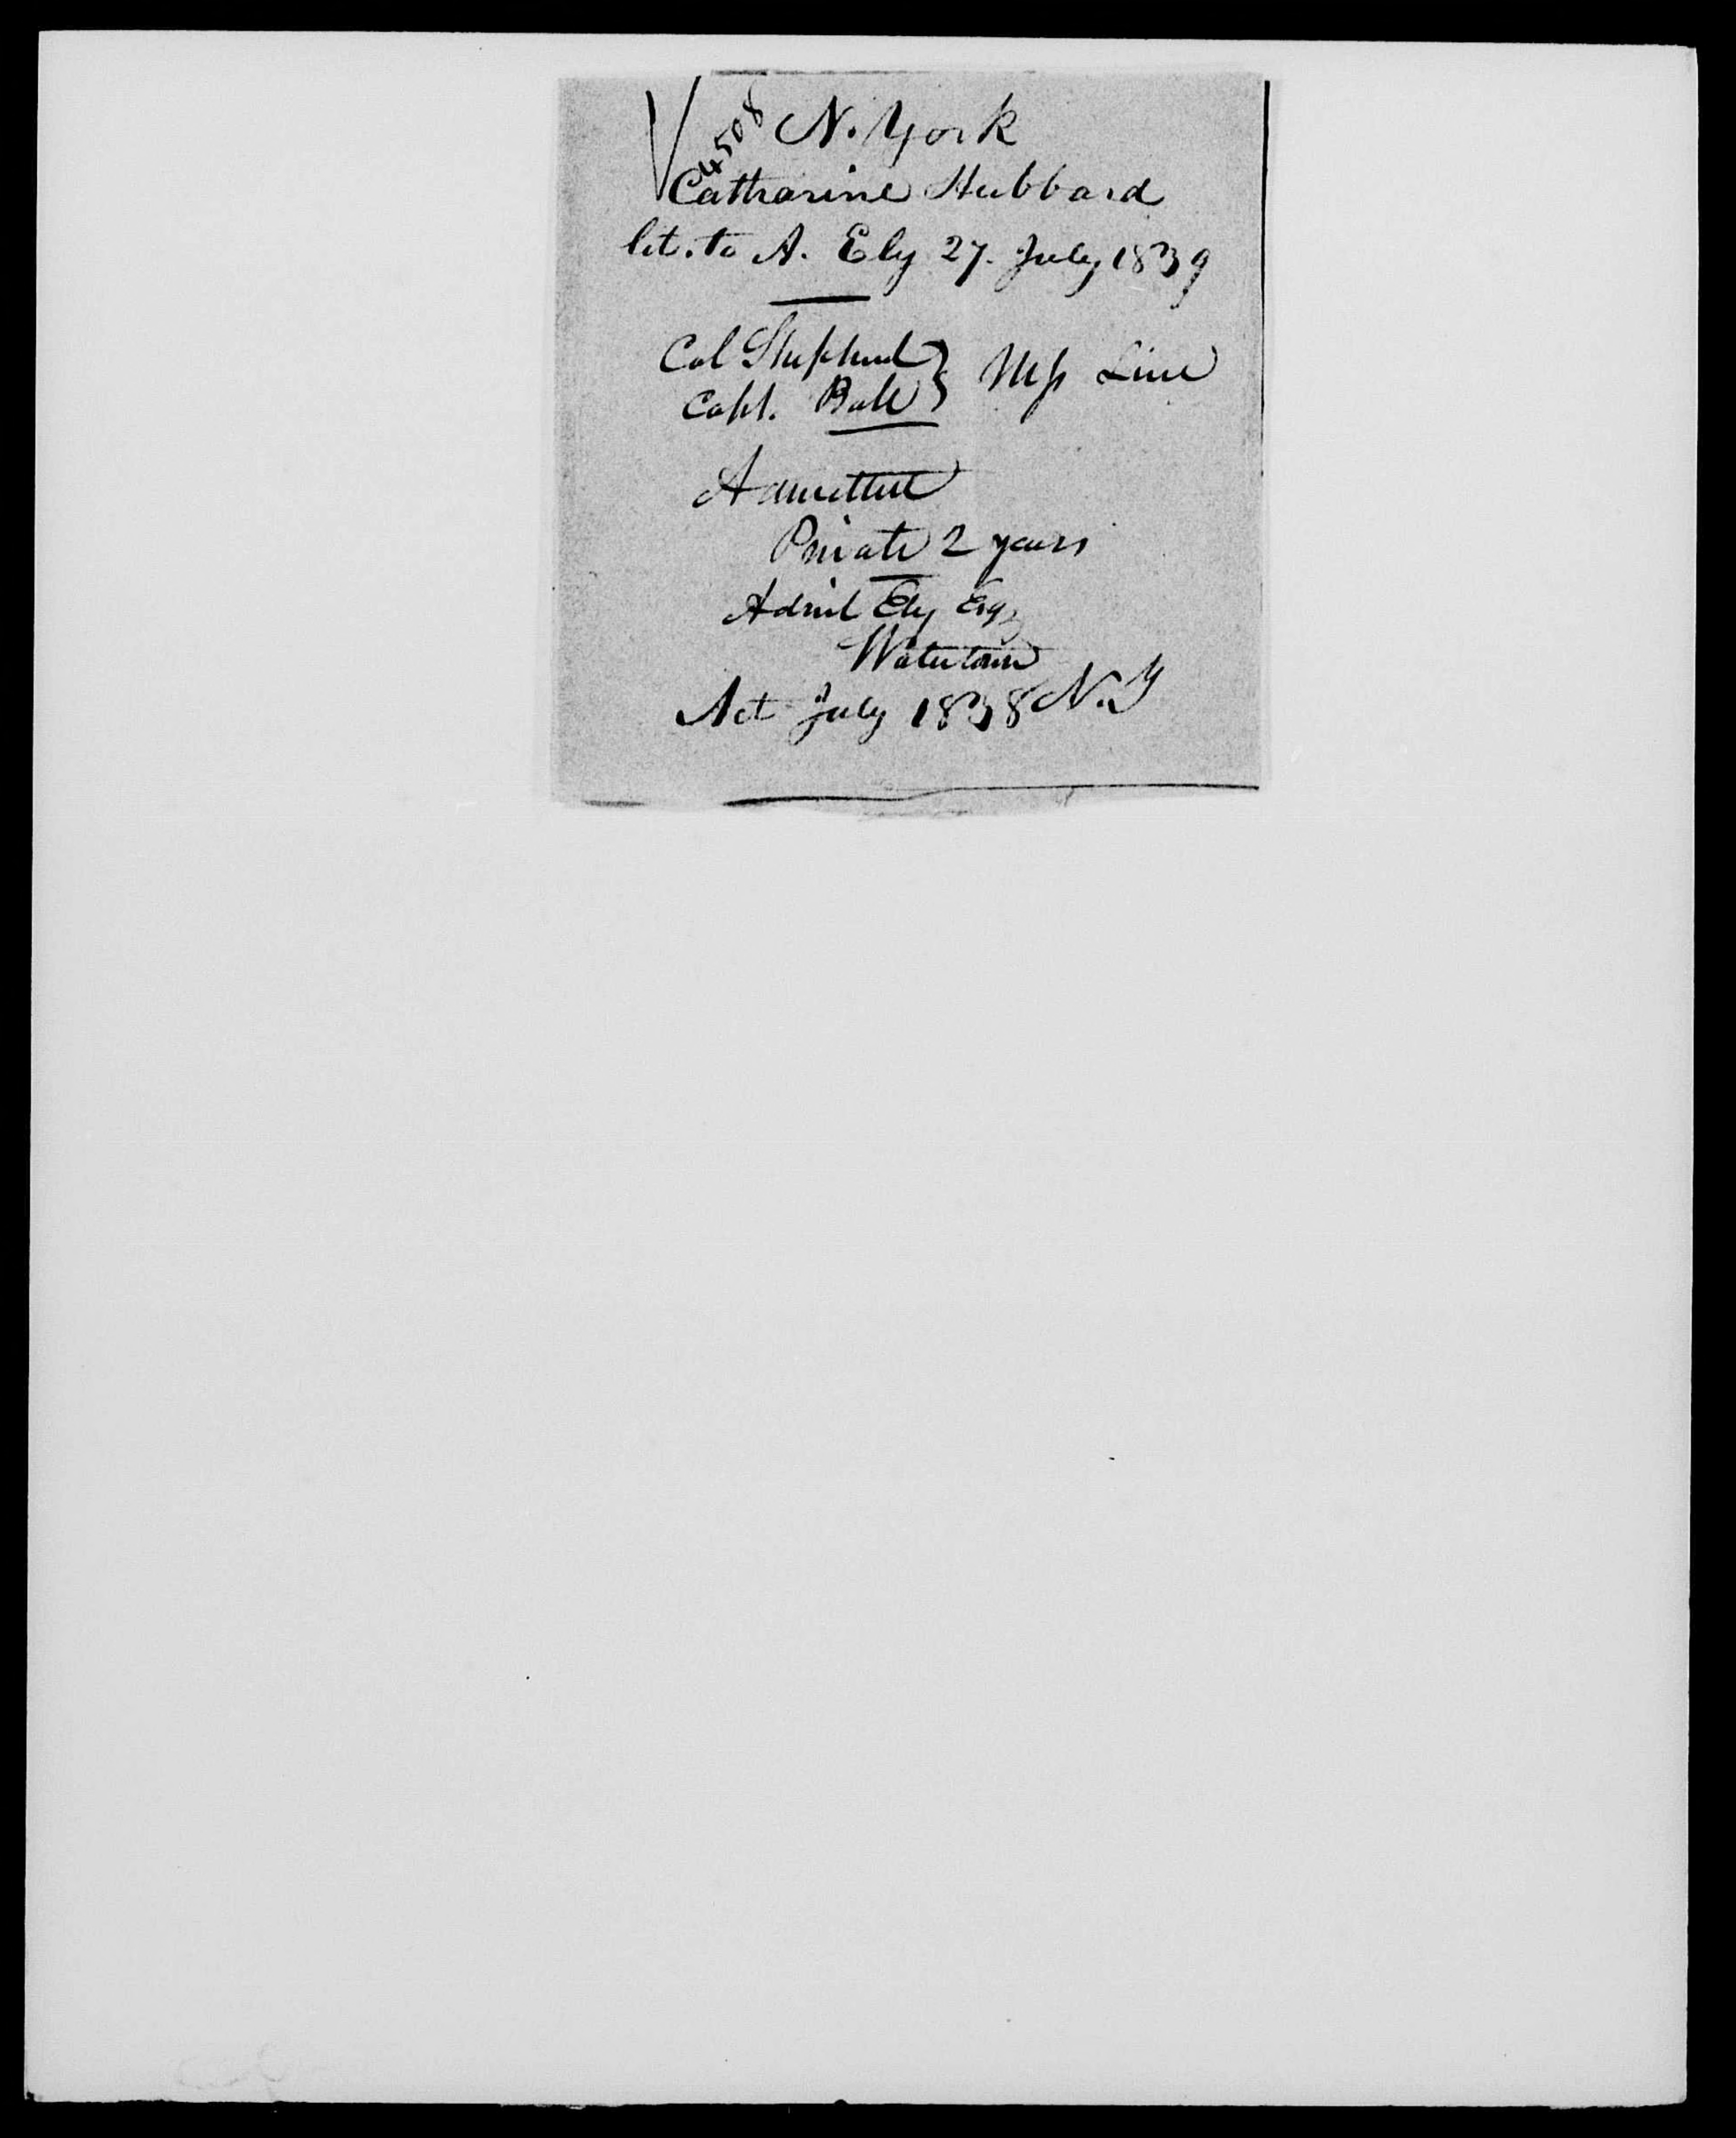V4508 N.York
Catharine Hubbard
let. to A. Ely 27. July 1839
--
Col Shepherd}
Capt. Bale} Mass Line

Admitted
Private 2 years
Adriel Ely Esq,
Watertown
Act July 1838 N.Y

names: Shepherd, A Ely, Adriel Ely, Catharine Hubbard, Ball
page: 19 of 38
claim: widow's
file: W. 23,381, Abner Hubbard, Continental Mass.